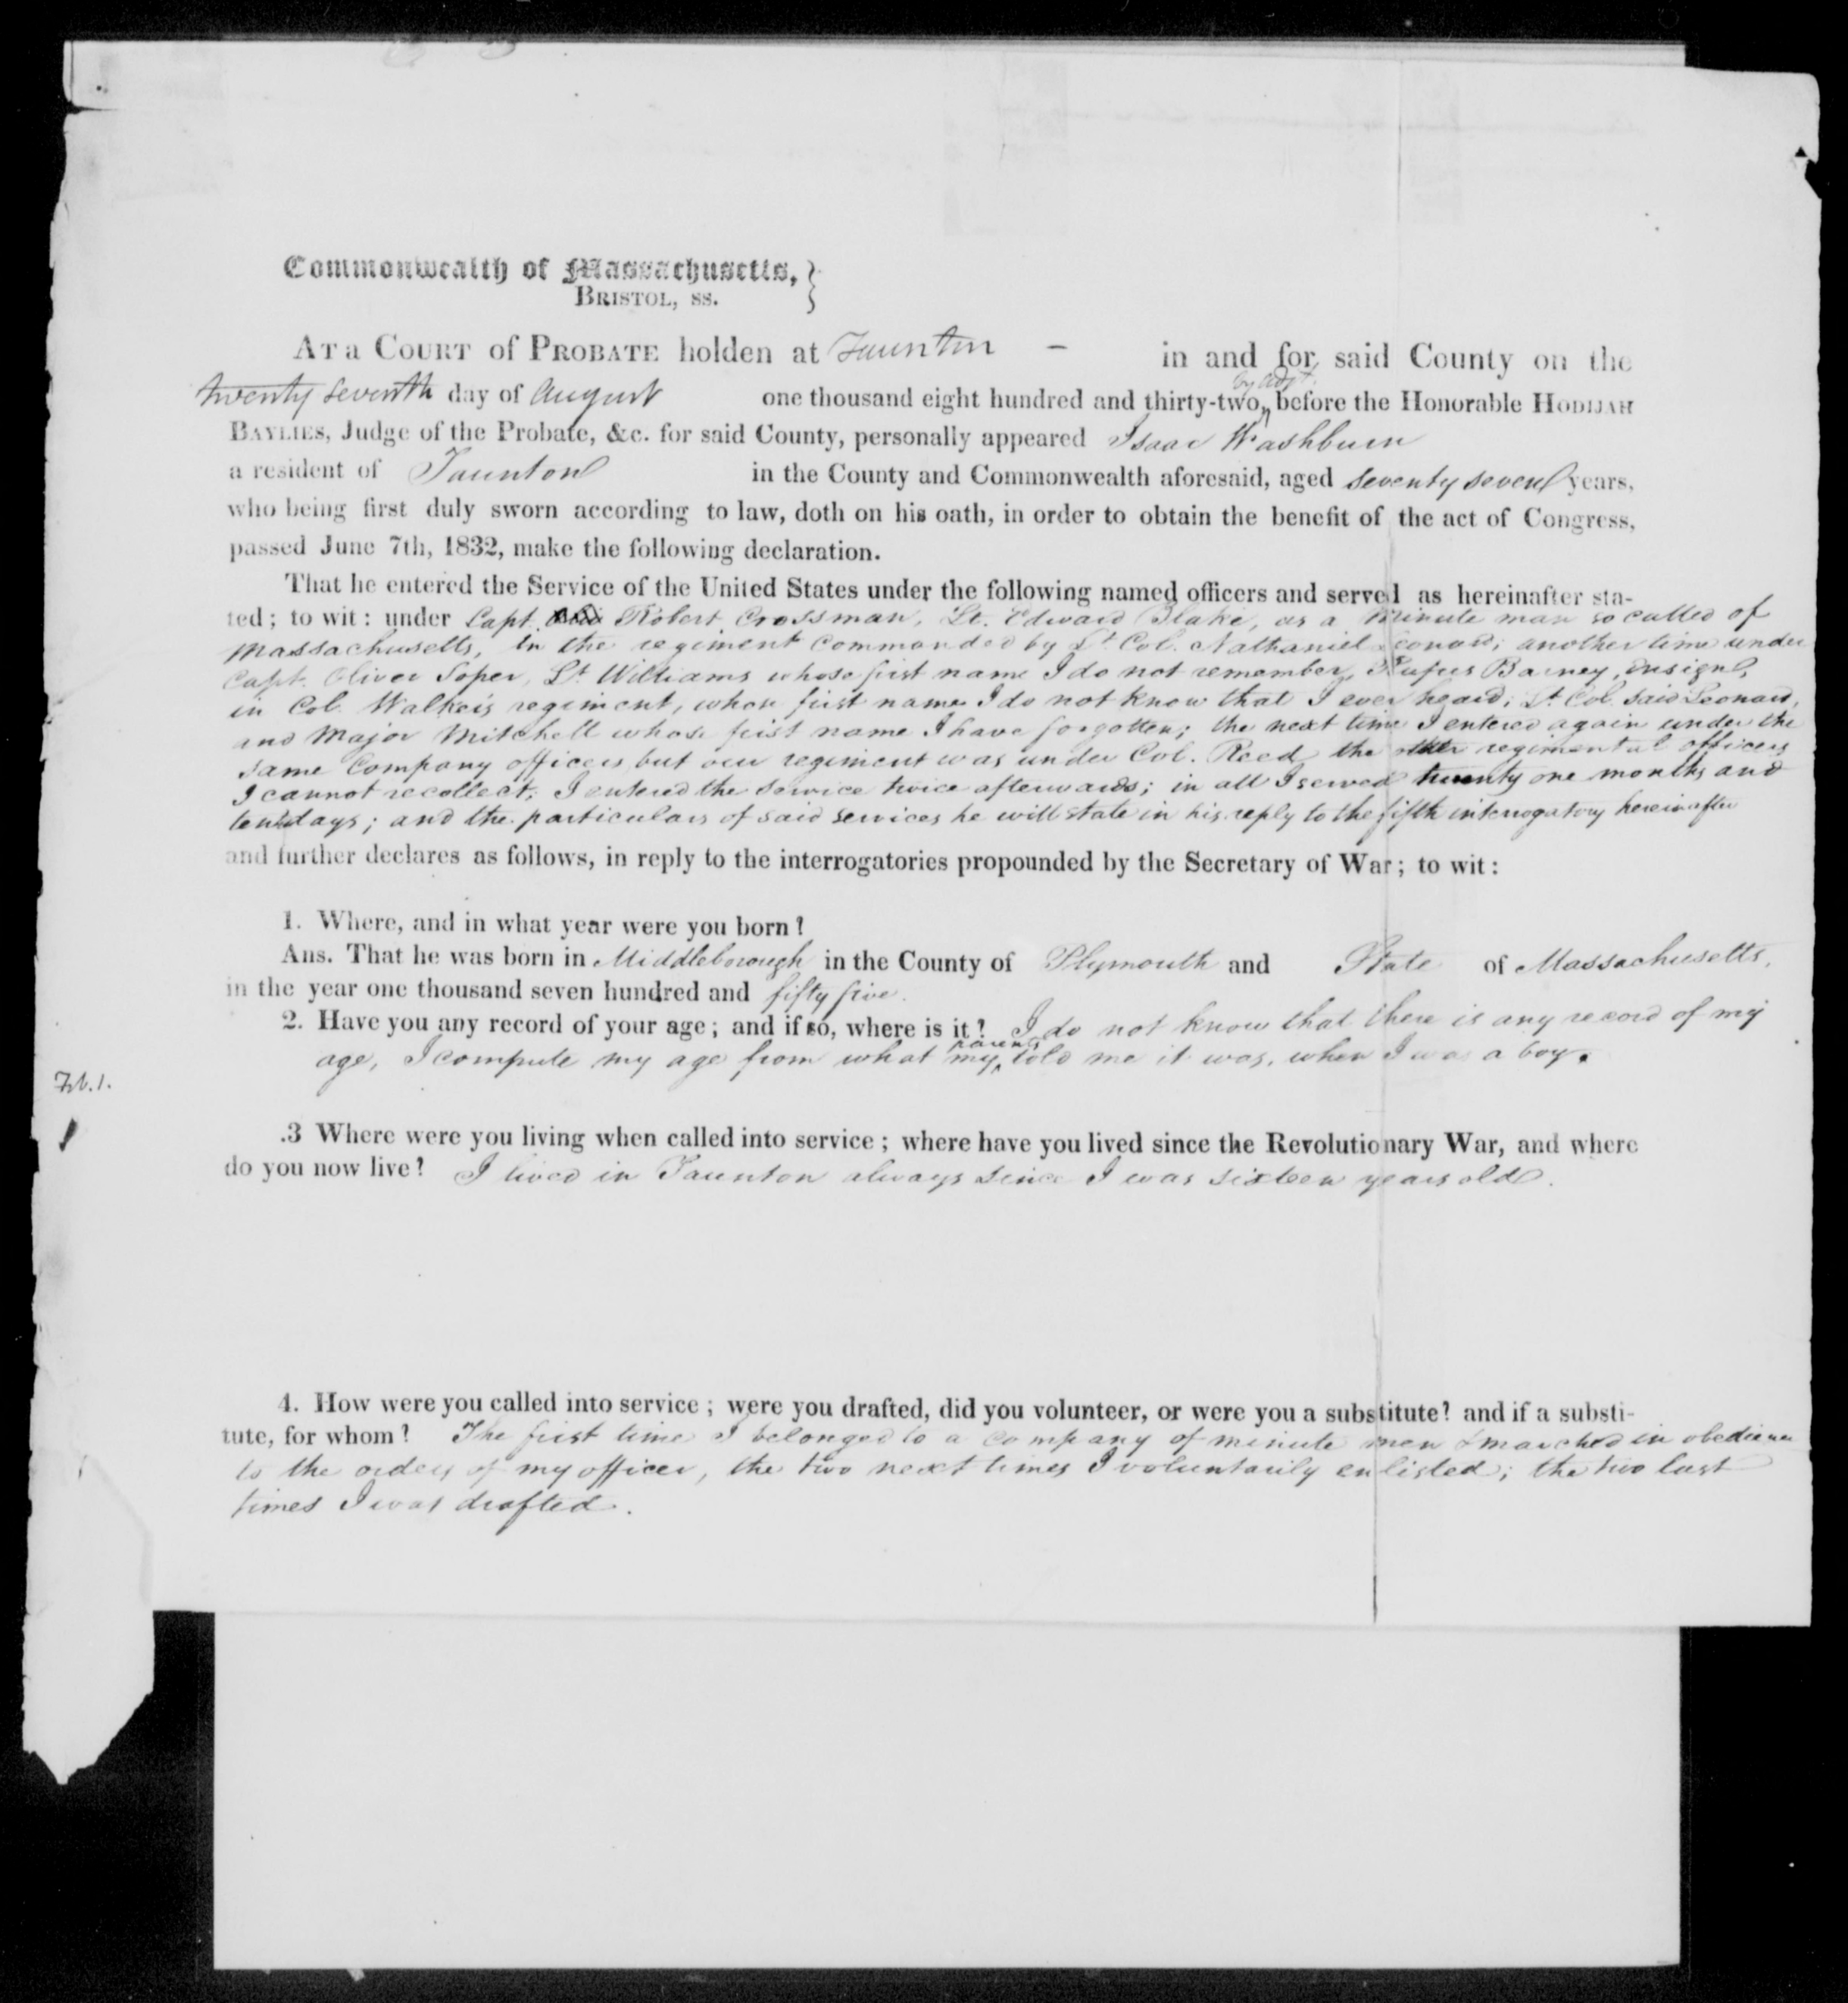Commonwealth of Massachusetts,}
   Bristol, ss.}

  At a Court of Probate holden at Taunton - in and for said County on the twenty seventh day of August one thousand eight hundred and thirty-two, by adjt. before the Honorable Hodijah Baylies, Judge of the Probate, &c. for said County, personally appeared Isaac Washburn a resident of Taunton in the County and Commonwealth aforesaid, aged seventy seven years who being first duly worn according to law, doth on his oath, in order to obtain the benefit of the act of Congress passed June 7th, 1832, make the following declaration.
  That he entered the Service of the United States under the following named officers and served as hereinafter stated; to wit: under Capt Robert Crossman, Lt Edward Blake, as a Minute man is called of Massachusetts, in the regiment commanded by Lt Col. Nathaniel Leonard, another time under Capt. Oliver Soper, Lt Williams whose first name I do not remember, Rufus Barney ensign in Col Walkers regiment, whose first name I do not know that I ever heard, Lt Col said Leonard, and Major Mitchell whose first name I have forgotten; the next time I entered again under the same company officers but our regiment was under Col. Reed the regiment officers I cannot recollect, I entered the service twice afterwards; in all I served twenty one months and ten days; and th particular of said service she will state in his reply to the fifth interrogatory herein after 
and further declares as follow, in reply to the interrogatories propounded by the Secretary of War; to wit:

 1. Where, and in what year were you born?
      And. That he was for in Middlebourough in the County of Plymouth and State of Massachusetts in the year one thousand seven hundred and fifty five

 2. Have you any record of your age; and if so, where is it ?
  I do not know that there is any record of may age, I compute my age from what my parents told me it was, when I was a boy.

  3. Where were you living when called into service; where have you lived since the Revolutionary War, and where do you now live? 
  I lived in Taunton always since I was sixteen        years old.

4. How were you called into service into service; were you drafted, did you volunteer, or were you a substitute? and if a substitute, for whom?
  The first time I belonged to a company of minute men & marched in obedience to the orders of my officers, the two next times I voluntarily enlisted; the two last times I was drafted.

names: Mitchell, Hodijah Baylies, Williams, Edward Blake, Isaac Washburn, Oliver Soper, Robert Crossman, Rufus Barney, Nathaniel Leonard, Reed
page: 14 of 34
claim: widow's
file: W. 1677, Isaac Washburn, Mass.